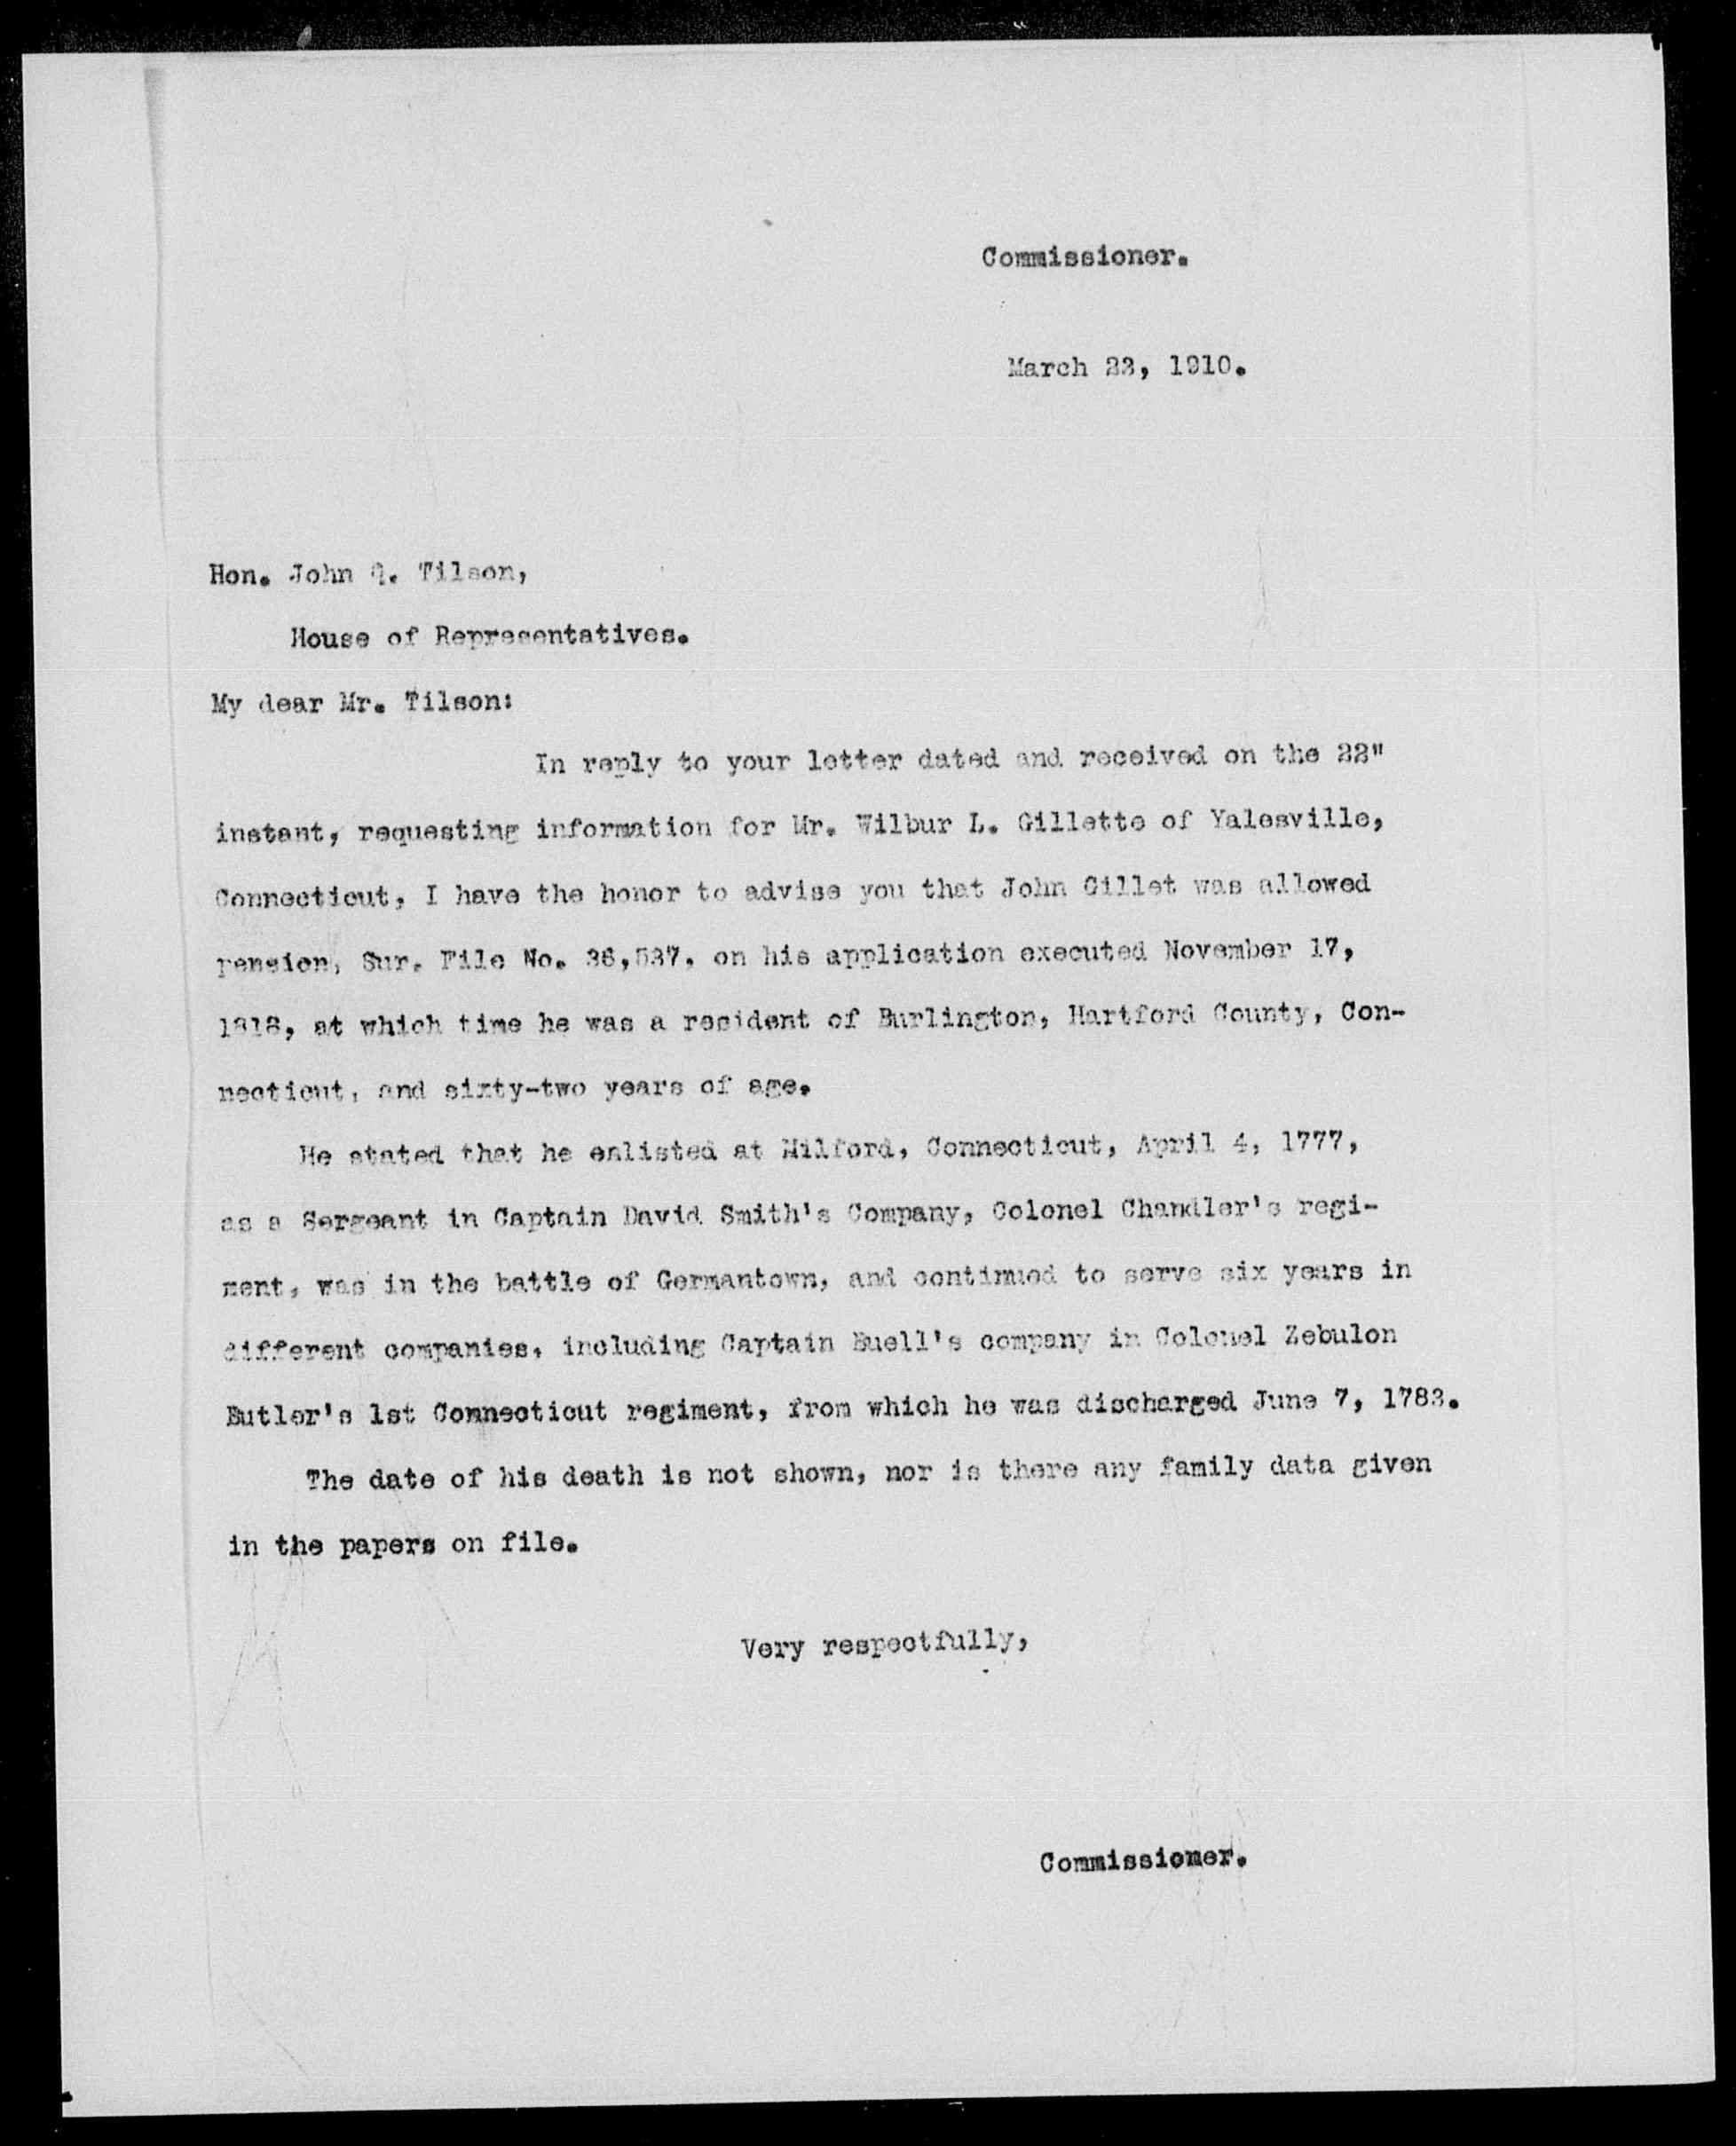Commissioner.

                                             March 23, 1910.

Hon. John Q. Tilson,
   House of Representatives.

My dear Mr. Tilson:
  In reply to your letter dated and received on the 22" instant, requesting information for Mr. Wilbur L. Gillette of Yalesville. Connecticut, I have the honor to advise you that John Gillet was allowed pension, Sur. File No. 36,537, on his application executed November 17, 1818, at which time he was a resident of Burlington, Hartford County, Connecticut, and sixty-two years of age.
   He stated that he enlisted at Hartford, Connecticut, April 4, 1777. as a Sergeant in Captain David Smith's Company, Colonel Chandler's regiment, was in the battle at Germantown, and continued to serve six years in different companies, including Captain Buell's company in Colonel Zebulon Butler's 1st Connecticut regiment, from which he was discharged June 7, 1783.
    The date of his death is not shown, nor is there any family data given in the papers on file.

                          Very respectfully,


                                    Commissioner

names: Tilson, John Gillet, Wilbur L Gillette, John Q Tilson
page: 37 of 40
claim: survivor's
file: S. 36,537 And R. 4034, John Gillet, Conn.